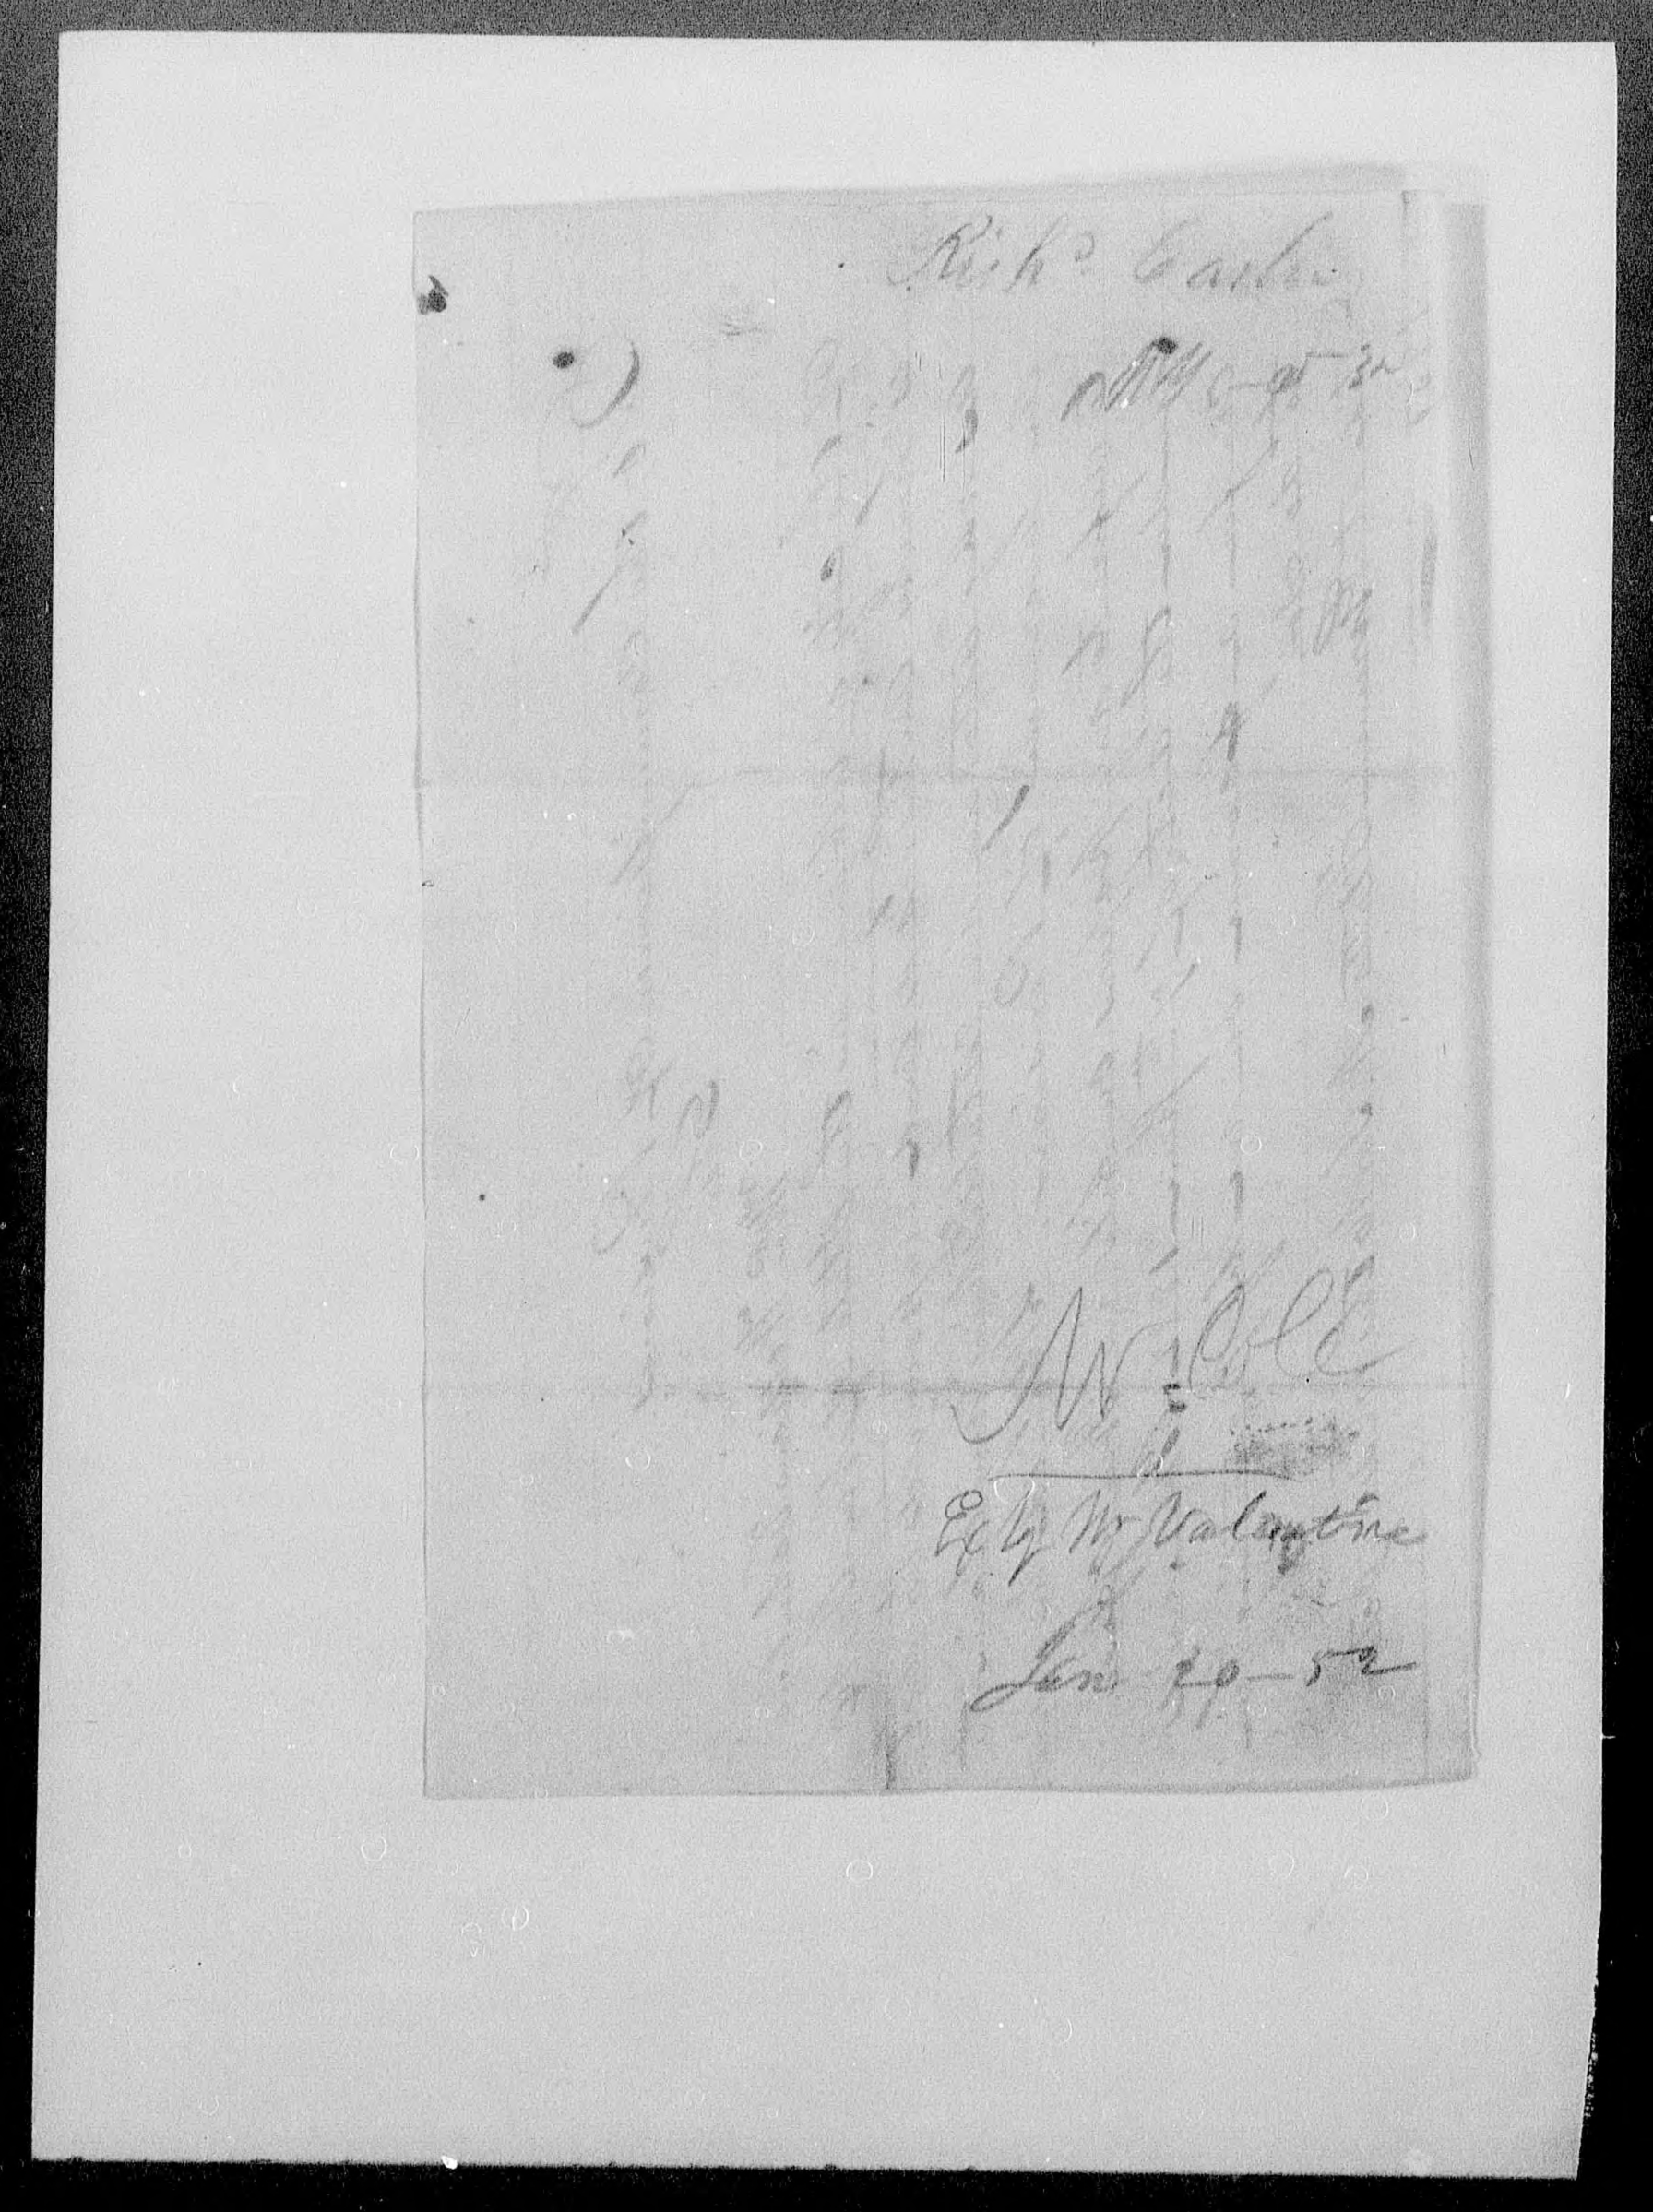Richd Casler
[main body illegible]
W Cole
Ex by Mr Valentine
Jan 20-52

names: Valentine, Cole, Richd Casler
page: 44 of 66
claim: widow's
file: W. 6637, Richard Caslar, New York